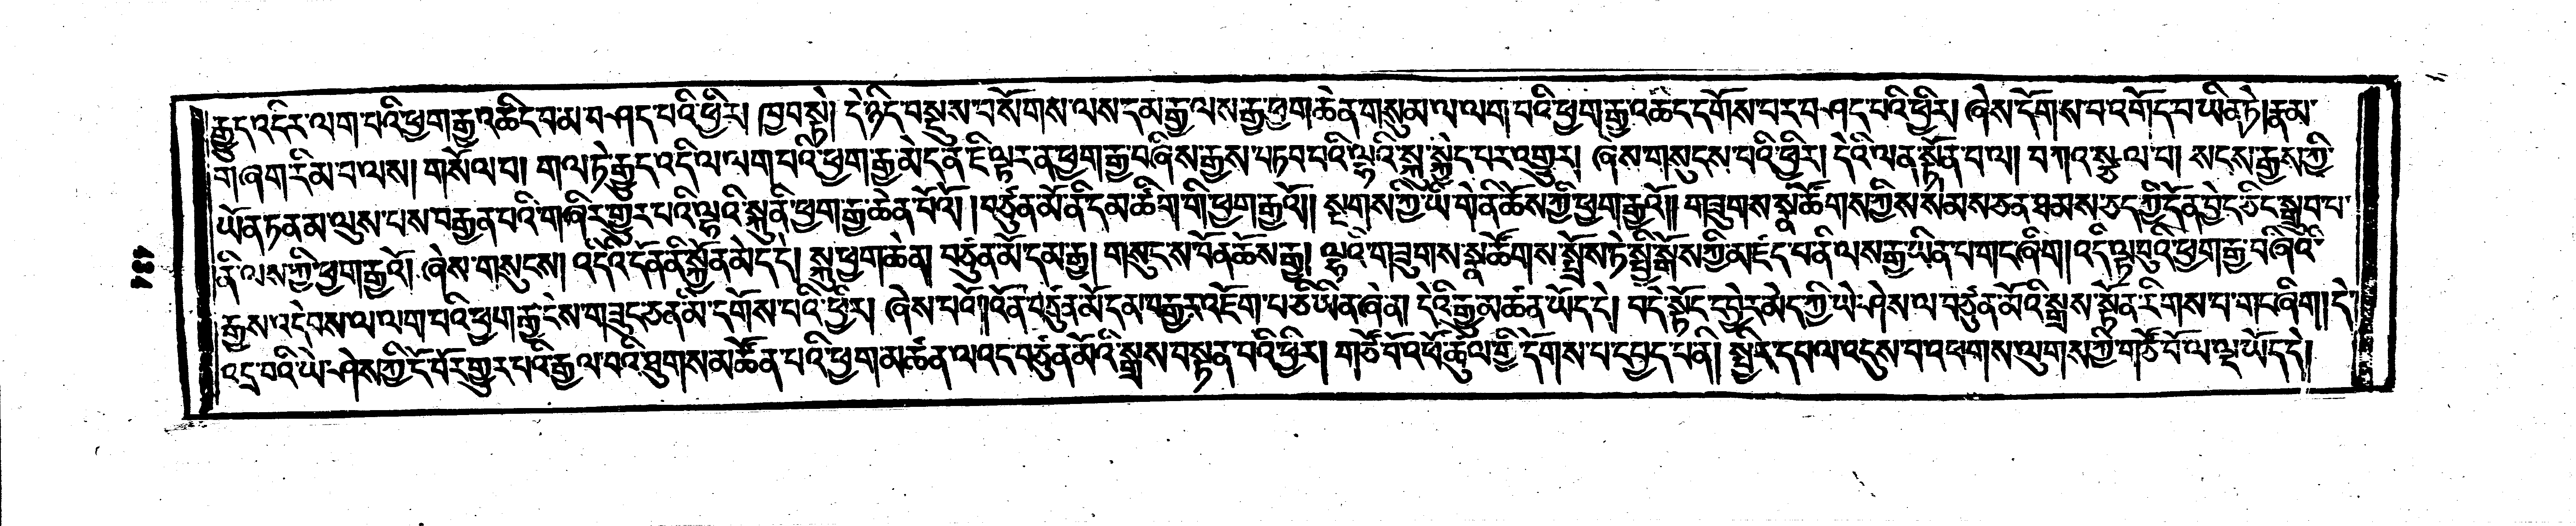རྒྱུད་འདིར་ལག་པའི་ཕྱག་རྒྱ་འཆིང་བ་མ་བཤར་བའི་ཕྱིར། ཁྱབ་སྟེ། དེ་ཉིད་བསྡུས་པ་སོགས་ལས་དམ་རྒྱ་ལས་རྒྱ་ཕྱག་ཆེན་གསུམ་ལ་ལག་པའི་ཕྱག་རྒྱ་འཆིང་དགོས་པར་བཤད་པའི་ཕྱིར། ཞེས་དོགས་པ་འགོད་པ་ཡིན་ཏེ། རྣམ་
གཞག་རིམ་པ་ལས། གསོལ་བ། གལ་ཏེ་རྒྱུད་འདི་ལ་ལག་པའི་ཕྱག་རྒྱ་མེད་ན་ཇི་ལྟར་ན་ཕྱག་རྒྱ་བཞིས་རྒྱས་བཏབ་པའི་ལྷའི་སྐུ་སྐྱེད་པར་འགྱུར། ཞེས་གསུངས་པའི་ཕྱིར། དེའི་ལན་སྟོན་པ་ལ། བཀའ་སྩལ་པ། སངས་རྒྱས་ཀྱི་
ཡོན་ཏན་མ་ལུས་པས་བརྒྱན་པའི་གཞིར་གྱུར་པའི་ལྷའི་སྐུ་ནི་ཕྱག་རྒྱ་ཆེན་པོའོ། །བཙུན་མོ་ནི་དམ་ཚིག་གི་ཕྱག་རྒྱའོ། །སྔགས་ཀྱི་ཡི་གེ་ནི་ཆོས་ཀྱི་ཕྱག་རྒྱའོ། །གཟུགས་སྣ་ཚོགས་ཀྱིས་སེམས་ཅན་ཐམས་ཅད་ཀྱི་དོན་བྱེད་ཅིང་སྒྲུབ་པ་
ནི་ལས་ཀྱི་ཕྱག་རྒྱའོ། ཞེས་གསུངས། འདོད་དོན་ནི་སྐྱོན་མེད་དེ། སྐུ་ཕྱག་ཆེན། བཙུན་མོ་དམ་རྒྱ། གསུང་ས་བོན་ཆོས་རྒྱ། ལྷའི་གཟུགས་སྣ་ཚོགས་སྤྲོས་ཏེ་སྤྱི་སྒོས་ཀྱི་མཛད་པ་ནི་ལས་རྒྱ་ཡིན་པ་གང་ཞིག །འདི་ལྟ་བུའི་ཕྱག་རྒྱ་བཞིའི་
རྒྱས་འདེབས་ལ་ལག་པའི་ཕྱག་རྒྱ་དེས་གཟུང་ཅན་མི་དགོས་པའི་ཕྱིར། ཞེས་པའོ། །འོ་ན་བཙུན་མོ་དམ་བརྒྱར་འཇོག་པ་ཅི་ཡིན་ཞེ་ན། དེའི་རྒྱུ་མཚན་ཡོད་དེ། བདེ་སྟོང་དབྱེར་མེད་ཀྱི་ཡེ་ཤེས་ལ་བཙུན་མོའི་སྒྲས་སྟོན་རིགས་པ་གང་ཞིག །དེ་
འདྲ་བའི་ཡེ་ཤེས་ཀྱི་ངོ་བོར་གྱུར་པའི་རྒྱལ་བའི་ཐུགས་མཚོན་པའི་ཕྱག་མཚན་ལའང་བཙུན་མོའི་སྒྲས་བསྟན་པའི་ཕྱིར། གཙོ་བོ་འཕོ་ཚུལ་གྱི་དོགས་པ་དཔྱད་པ་ནི། སྤྱིར་དཔལ་འདུས་པ་འཕགས་ལུགས་ཀྱི་གཙོ་བོ་ལ་ལྔ་ཡོད་དེ།